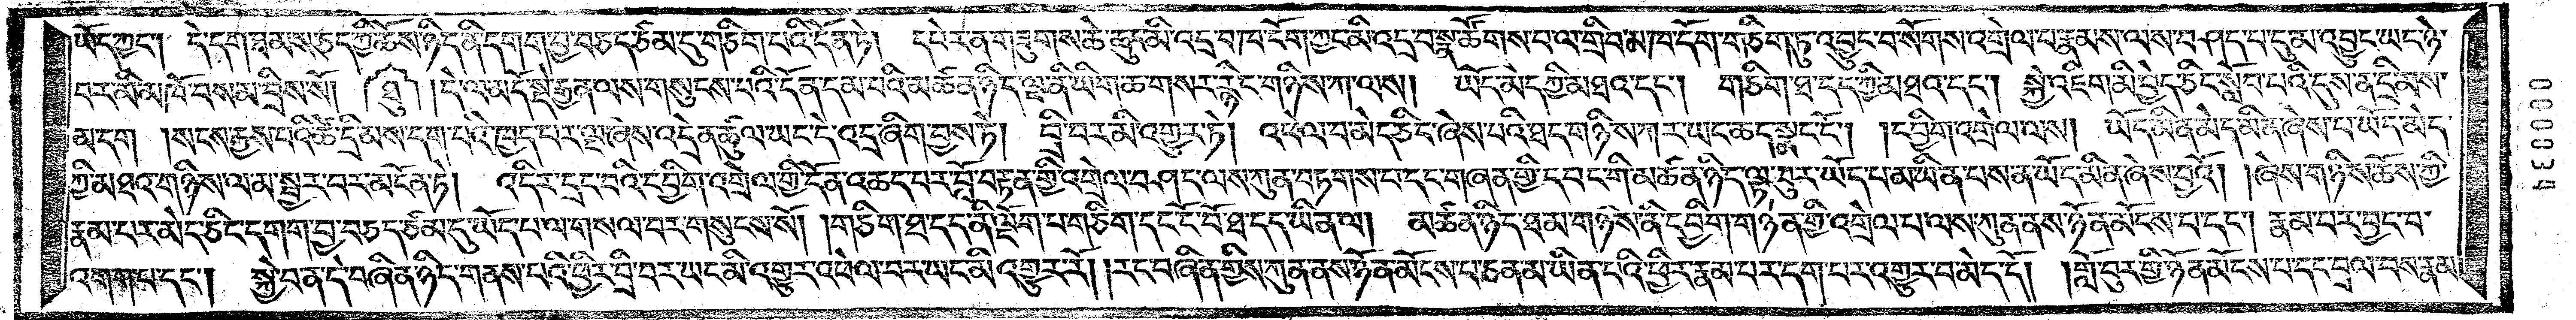ཡོད་ཀྱང་། དེ་དག་ཐམས་ཅད་ཀྱི་ཆོས་ཉིད་ནི་དགག་བྱ་བཅད་ཙམ་དུ་གཅིག་པའི་དོན་ཏེ། དཔེར་ན་གཟུགས་ཆེ་ཆུང་མི་འདྲ་བ་ཁ་དོག་ཀྱང་མི་འདྲ་བ་སྣ་ཚོགས་པ་ལ་གྲིབ་མ་ཁ་དོག་གཅིག་ཏུ་འབྱུང་བ་སོགས་འགྲེལ་པ་རྣམས་ལས་བཤད་པ་དུ་མ་འབྱུང་ཡང་ཉེ་
བར་མི་མཁོ་བས་མ་བྲིས་སོ། ༼ཐུ༽ །དེ་ལ་མདོ་སྡེ་རྒྱན་ལས་གསུངས་པའི་དོན་དམ་པའི་མཚན་ཉིད་ལྔ་ནི་ཡིག་ཆ་གསར་རྙིང་གཉིས་ཀ་ལས། ཡོད་མེད་ཀྱི་མཐའ་དང་། གཅིག་ཐ་དད་ཀྱི་མཐའ་དང་། སྐྱེ་འཇིག་མི་བྱེད་ཅིང་སློབ་པའི་དུས་ན་དྲི་མས་
མ་དག །སངས་རྒྱས་པའི་ཚེ་དྲི་མས་དག་པའི་ཁྱད་པར་ལྔ་ཞེས་འདྲེན་ཚུལ་ཡང་དེ་འདྲ་ཞིག་བྱས་ཏེ། བྲི་བར་མི་འགྱུར་ཏེ། འཕེལ་བ་མེད་ཅིང་ཞེས་པའི་ཐད་གཉིས་ཀར་ཡང་ཆད་སྣང་ངོ། །དབྱིག་འགྲེལ་ལས། ཡོད་མིན་མེད་མིན་ཞེས་པ་ཡོད་མེད་
ཀྱི་མཐའ་གཉིས་ལ་མ་སྦྱར་བར་མངོན་ཏེ། འདིར་དྲང་བའི་དབྱིག་འགྲེལ་གྱི་དོན་འཆད་པར་བློ་བརྟན་གྱི་འགྲེལ་བཤད་ལས་ཀུན་བཏགས་པ་དང་གཞན་གྱི་དབང་གི་མཚན་ཉིད་ལྟ་བུར་ཡོད་པ་མ་ཡིན་པས་ན་ཡོད་མིན་ཞེས་བྱའོ། །ཞེས་གཉིས་ཆོས་ཀྱི་
རྣམ་པར་མེད་ཅིང་དགག་བྱ་བཅད་ཙམ་དུ་ཡོད་པ་ལ་གསལ་བར་གསུངས་སོ། །གཅིག་ཐ་དད་ནི་ལྡོག་པ་གཅིག་དང་ངོ་བོ་ཐ་དད་ཡིན་ལ། མཚན་ཉིད་ཐ་མ་གཉིས་ནི་དབྱིག་གཉེན་གྱི་འགྲེལ་པ་ལས་ཀུན་ནས་ཉོན་མོངས་པ་དང་། རྣམ་པར་བྱང་བ་
འགག་པ་དང་། སྐྱེ་བ་ན་དེ་བཞིན་ཉིད་གནས་པའི་ཕྱིར་བྲི་བར་ཡང་མི་འགྱུར་འཕེལ་བར་ཡང་མི་འགྱུར་རོ། །རང་བཞིན་གྱིས་ཀུན་ནས་ཉོན་མོངས་པ་ཅན་མ་ཡིན་པའི་ཕྱིར་རྣམ་པར་དག་པར་འགྱུར་བ་མེད་དོ། །གློ་བུར་གྱི་ཉོན་མོངས་པ་དང་བྲལ་བས་རྣམ་